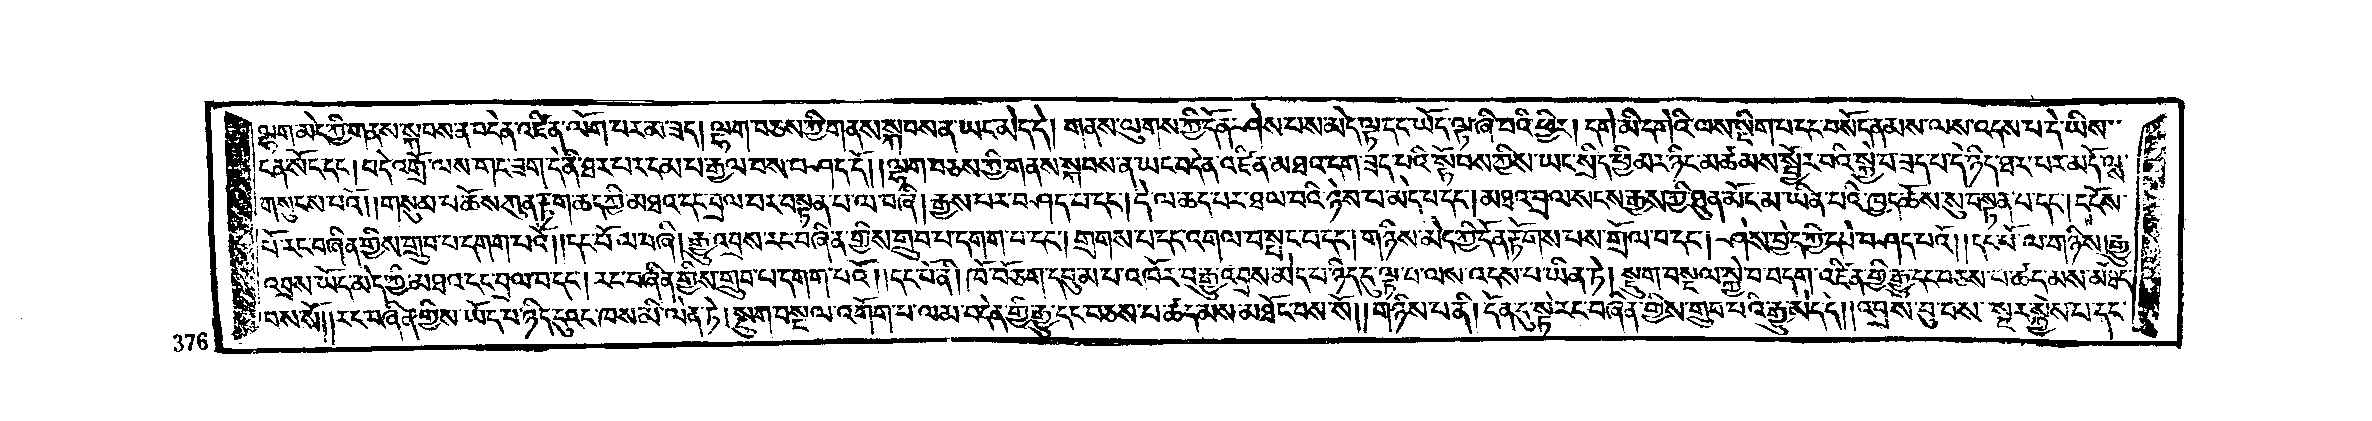ལྷག་མེད་ཀྱི་གནས་སྐབས་ན་བདེན་འཛིན་ལོག་པར་མ་ཟད། ལྷག་བཅས་ཀྱི་གནས་སྐབས་ན་ཡང་མེད་དེ། གནས་ལུགས་ཀྱི་དོན་ཤེས་པས་མེད་ལྟ་དང་ཡོད་ལྟ་ཞི་བའི་ཕྱིར། དགེ་མི་དགེའི་ལས་སྡིག་པ་དང་བསོད་ནམས་ལས་འདས་པ་དེ་ཡིས་
ངན་སོང་དང་། བདེ་འགྲོ་ལས་གང་ཟག་དེ་ནི་ཐར་པར་དམ་པ་རྒྱལ་བས་བཤད་དོ། །ལྷག་བཅས་ཀྱི་གནས་སྐབས་ན་ཡང་བདེན་འཛིན་མཐའ་དག་ཟད་པའི་སྟོབས་ཀྱིས་ཡང་སྲིད་ཕྱི་མར་ཉིང་མཚམས་སྦྱོར་བའི་སྐྱེ་བ་ཟད་པ་དེ་ཉིད་ཐར་པར་མདོ་ལས་
གསུངས་པའོ། །གསུམ་པ་ཆོས་ཀུན་རྟག་ཆད་ཀྱི་མཐའ་དང་བྲལ་བར་བསྟན་པ་ལ་བཞི། རྒྱས་པར་བཤད་པ་དང་། དེ་ལ་ཆད་པར་ཐལ་བའི་ཉེས་པ་མེད་པ་དང་། མཐའ་བྲལ་སངས་རྒྱས་ཀྱི་ཐུན་མོང་མ་ཡིན་པའི་ཁྱད་ཆོས་སུ་བསྟན་པ་དང་། དངོས་
པོ་རང་བཞིན་གྱིས་གྲུབ་པ་དགག་པའོ། །དང་པོ་ལ་བཞི། རྒྱུ་འབྲས་རང་བཞིན་གྱིས་གྲུབ་པ་དགག་པ་དང་། གྲགས་པ་དང་འགལ་བ་སྤང་བ་དང་། གཉིས་མེད་ཀྱི་དོན་རྟོགས་པས་གྲོལ་བ་དང་། ཤེས་བྱེད་ཀྱི་དཔེ་བཤད་པའོ། །དང་པོ་ལ་གཉིས། །རྒྱུ་
འབྲས་ཡོད་མེད་ཀྱི་མཐའ་དང་བྲལ་བ་དང་། རང་བཞིན་གྱིས་གྲུབ་པ་དགག་པའོ། །དང་པོ་ནི། ཁོ་བོ་ཅག་དབུ་མ་པ་འཁོར་བ་རྒྱུ་འབྲས་མེད་པ་ཉིད་དུ་ལྟ་བ་ལས་འདས་པ་ཡིན་ཏེ། སྡུག་བསྔལ་སྐྱེ་བ་བདག་འཛིན་གྱི་རྒྱུ་དང་བཅས་པ་ཚད་མས་མཐོང་
བས་སོ། །རང་བཞིན་གྱིས་ཡོད་པ་ཉིད་དུའང་ཁས་མི་ལེན་ཏེ། སྡུག་བསྔལ་འགོག་པ་ལམ་བདེན་གྱི་རྒྱུ་དང་བཅས་པ་ཚད་མས་མཐོང་བས་སོ། །གཉིས་པ་ནི། དོན་དུ་སྟེ་རང་བཞིན་གྱིས་གྲུབ་པའི་རྒྱུ་མེད་དེ། འབྲས་བུ་བས་སྔར་སྐྱེས་པ་དང་